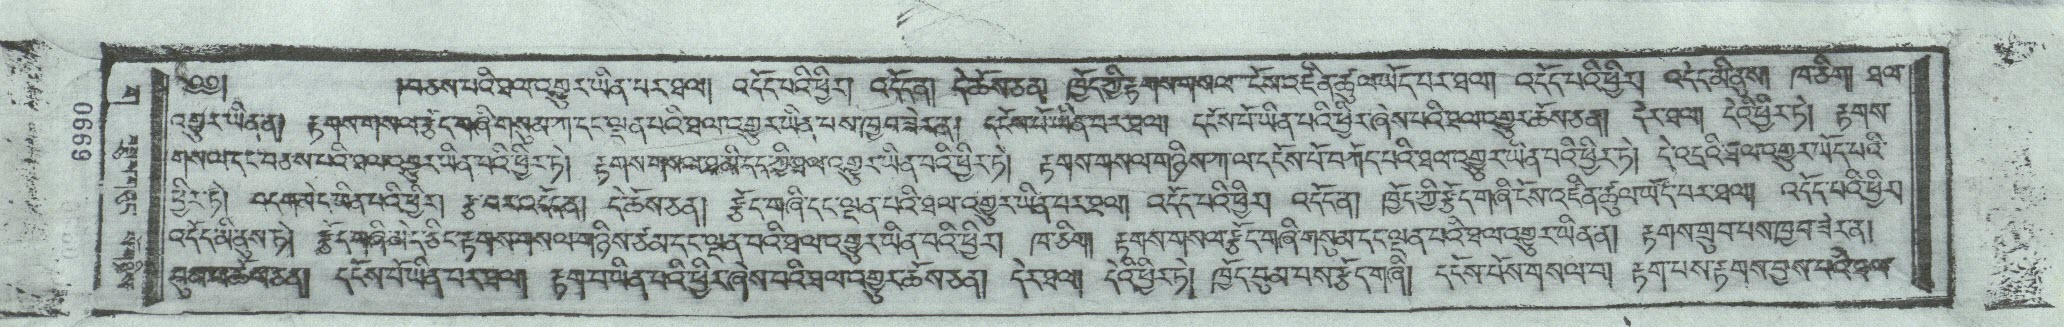༄༅། །བཅས་པའི་ཐལ་འགྱུར་ཡིན་པར་ཐལ། འདོད་པའི་ཕྱིར། འདོད་ན། དེ་ཆོས་ཅན། ཁྱོད་ཀྱི་རྟགས་གསལ་ངོས་འཛིན་ཚུལ་ཡོད་པར་ཐལ། འདོད་པའི་ཕྱིར། འདོད་མི་ནུས། ཁ་ཅིག། ཐལ་
འགྱུར་ཡིན་ན། རྟགས་གསལ་རྩོད་གཞི་གསུམ་ཀ་དང་ལྡན་པའི་ཐལ་འགྱུར་ཡིན་པས་ཁྱབ་ཟེར་ན། དངོས་པོ་ཡིན་པར་ཐལ། དངོས་པོ་ཡིན་པའི་ཕྱིར་ཞེས་པའི་ཐལ་འགྱུར་ཆོས་ཅན། དེར་ཐལ། དེའི་ཕྱིར་ཏེ། རྟགས་
གསལ་དང་བཅས་པའི་ཐལ་འགྱུར་ཡིན་པའི་ཕྱིར་ཏེ། རྟགས་གསལ་ཐ་མི་དད་ཀྱི་ཐལ་འགྱུར་ཡིན་པའི་ཕྱིར་ཏེ། རྟགས་གསལ་གཉིས་ཀ་ལ་དངོས་པོ་བཀོད་པའི་ཐལ་འགྱུར་ཡིན་པའི་ཕྱིར་ཏེ། དེ་འདྲའི་ཐལ་འགྱུར་ཡོད་པའི་
ཕྱིར་ཏེ། བདག་མེད་ཡིན་པའི་ཕྱིར། རྩ་བར་འདོད་ན། དེ་ཆོས་ཅན། རྩོད་གཞི་དང་ལྡན་པའི་ཐལ་འགྱུར་ཡིན་པར་ཐལ། འདོད་པའི་ཕྱིར། འདོད་ན། ཁྱོད་ཀྱི་རྩོད་གཞི་ངོས་འཛིན་ཚུལ་ཡོད་པར་ཐལ། འདོད་པའི་ཕྱིར།
འདོད་མི་ནུས་ཏེ། རྩོད་གཞི་མེད་ཅིང་རྟགས་གསལ་གཉིས་ཙམ་དང་ལྡན་པའི་ཐལ་འགྱུར་ཡིན་པའི་ཕྱིར། ཁ་ཅིག། རྟགས་གསལ་རྩོད་གཞི་གསུམ་དང་ལྡན་པའི་ཐལ་འགྱུར་ཡིན་ན། རྟགས་གྲུབ་པས་ཁྱབ་ཟེར་ན།
བུམ་པ་ཆོས་ཅན། དངོས་པོ་ཡིན་པར་ཐལ། རྟག་པ་ཡིན་པའི་ཕྱིར་ཞེས་པའི་ཐལ་འགྱུར་ཆོས་ཅན། དེར་ཐལ། དེའི་ཕྱིར་ཏེ། ཁྱོད་བུམ་པས་རྩོད་གཞི། དངོས་པོས་གསལ་བ། རྟག་པས་རྟགས་བྱས་པའི་ཐལ་